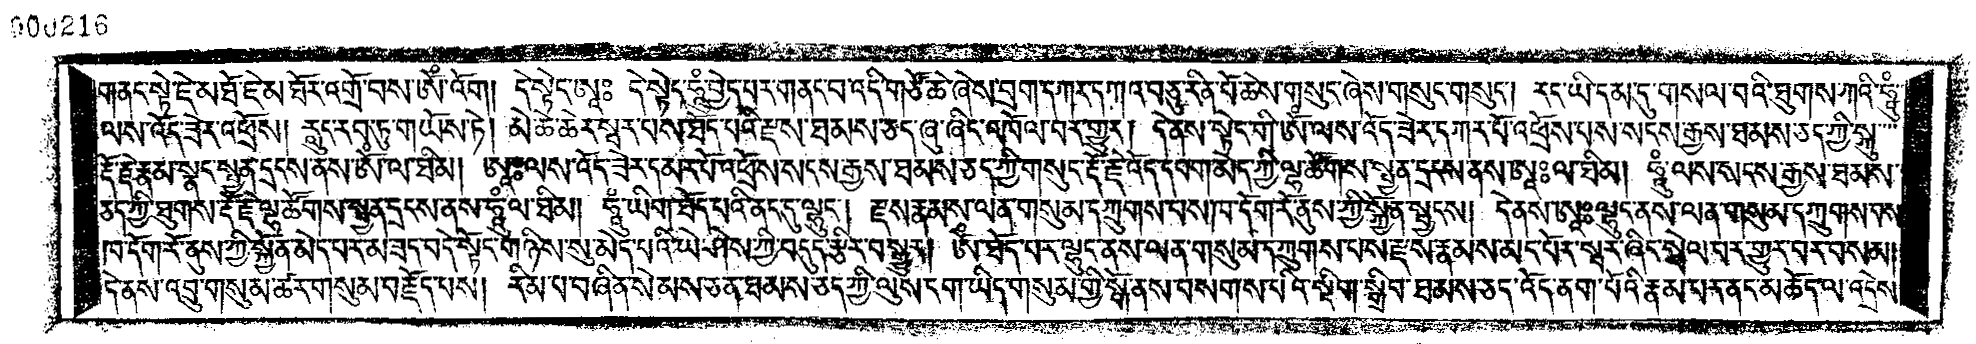གནང་སྟེ་ཇེ་མཐོ་ཇེ་མཐོར་འགྲོ་བས་ཨོཾ་འོག །དེ་སྟེང་ཨཱཿ དེ་སྟེང་ཧཱུཾ་བྱེད་པར་གནང་བ་འདི་གཙོ་ཆེ་ཞེས་བྲག་དཀར་དཀའ་བཅུ་རིན་པོ་ཆེས་གསུང་ཞེས་གསུང་གསུང་། རང་ཡི་དམ་དུ་གསལ་བའི་ཐུགས་ཀའི་ཧཱུཾ་
ལས་འོད་ཟེར་འཕྲོས། རླུང་རབ་ཏུ་གཡོས་ཏེ། མེ་ཆེ་ཆེར་སྦར་པས་ཐོད་པའི་རྫས་ཐམས་ཅད་ཞུ་ཞིང་འཁོལ་བར་གྱུར། དེ་ནས་སྟེང་གི་ཨོཾ་ལས་འོད་ཟེར་དཀར་པོ་འཕྲོས་པས་སངས་རྒྱས་ཐམས་ཅད་ཀྱི་སྐུ་
རྡོ་རྗེ་རྣམ་སྣང་སྤྱན་དྲངས་ནས་ཨོཾ་ལ་ཐིམ། ཨཱཿ ལས་འོད་ཟེར་དམར་པོ་འཕྲོས་སངས་རྒྱས་ཐམས་ཅད་ཀྱི་གསུང་རྡོ་རྗེ་འོད་དཔག་མེད་ཀྱི་ལྷ་ཚོགས་སྤྱན་དྲངས་ནས་ཨཱཿ ལ་ཐིམ། ཧཱུཾ་ལས་སངས་རྒྱས་ཐམས་
ཅད་ཀྱི་ཐུགས་རྡོ་རྗེ་ལྷ་ཚོགས་སྤྱན་དྲངས་ནས་ཧཱུཾ་ལ་ཐིམ། ཧཱུཾ་ཡིག་ཐོད་པའི་ནང་དུ་ལྷུང་། རྫས་རྣམས་ལན་གསུམ་དཀྲུགས་པས་ཁ་དོག་རོ་ནུས་ཀྱི་སྐྱོན་སྦྱངས། དེ་ནས་ཨཱཿ ལྷུང་ནས་ལན་གསུམ་དཀྲུགས་པས་
ཁ་དོག་རོ་ནུས་ཀྱི་སྐྱོན་མེད་པར་མ་ཟད་བདེ་སྟོང་གཉིས་སུ་མེད་པའི་ཡེ་ཤེས་ཀྱི་བདུད་རྩིར་བསྒྱུར། ཨོཾ་ཐོད་པར་ལྷུང་ནས་ལན་གསུམ་དཀྲུགས་པས་རྫས་རྣམས་མང་པོར་སྦར་ཞིང་སྦེལ་པར་གྱུར་བར་བསམ།
དེ་ནས་འབྲུ་གསུམ་ཚར་གསུམ་བརྗོད་པས། རིམ་པ་བཞིན་སེམས་ཅན་ཐམས་ཅད་ཀྱི་ལུས་ངག་ཡིད་གསུམ་གྱི་སྒོ་ནས་བསགས་པའི་སྡིག་སྒྲིབ་ཐམས་ཅད་འོད་ནག་པོའི་རྣམ་པར་ནང་མཆོད་ལ་འདྲེས་